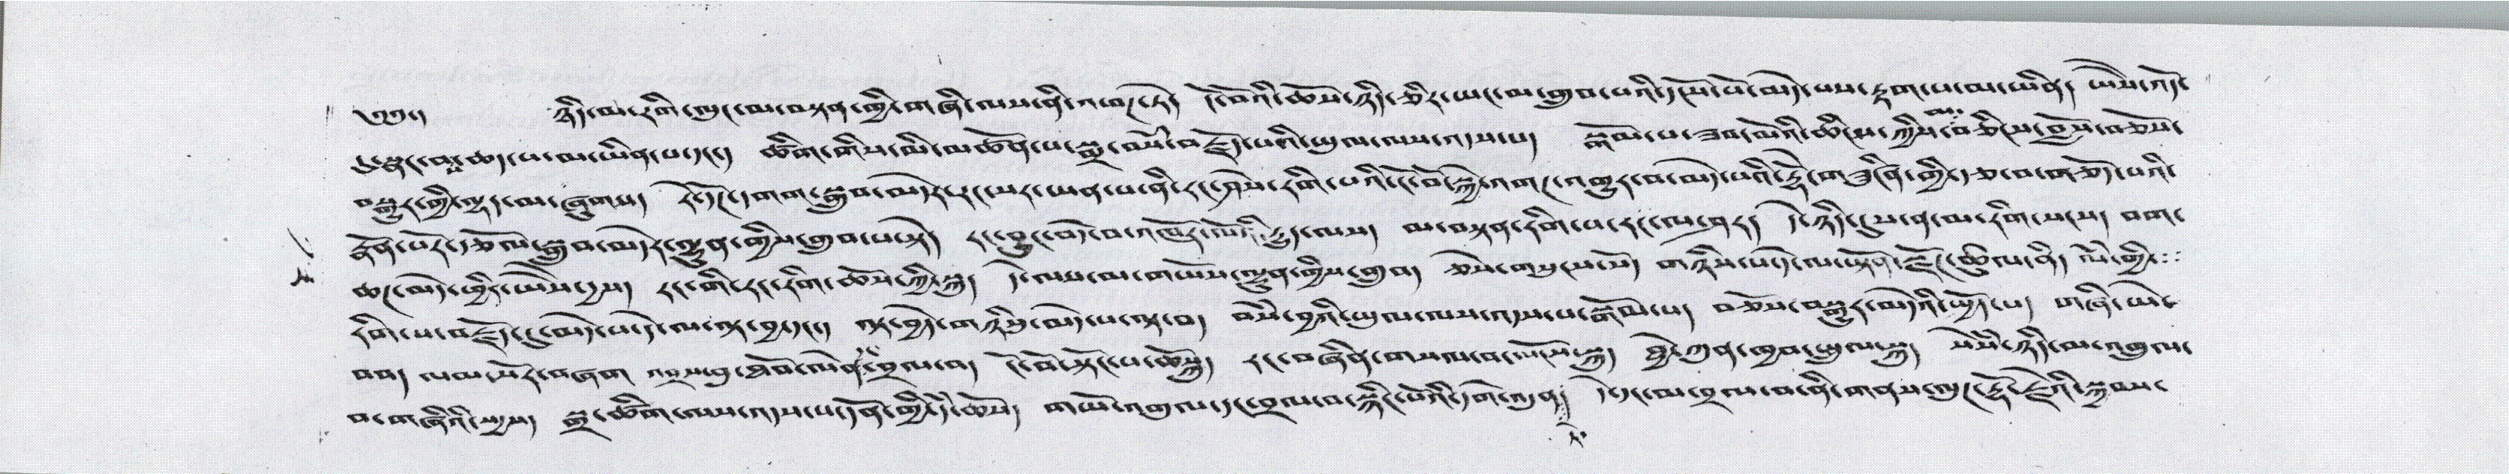ཉིད་མ་རིག་ལུང་མ་བསྟན་གྱི་གཞི་ལས་ནི་འཕགས་ཏེ། ངོ་བོའི་ཆོས་ཉིད་ཅིར་ཡང་མ་གྲུབ་པའི་དངོས་པོ་མེད་པས་རྟག་པ་མ་ཡིན། ཡེ་ཤེས་འོད་
དུ་སྣང་བས་ཆད་པ་མ་ཡིན་པ་དང། ཚིག་གིས་མི་མཚོན་པ་སྨྲ་བསམ་བརྗོད་པའི་ཡུལ་ལས་འདས་པ། སྒོམ་པ་ཟབ་མོའི་ཆིངས་ཀྱི་མ་བཅིངས་བློས་བཅོས་
བསྒྱུར་གྱི་ལྷད་མ་ཞུགས། རེ་དོགས་དགག་སྒྲུབ་མེད་པར་རང་སར་ཡན་པ་ནི་རང་ཤེས་རིག་པའི་ངོ་བོ་སྐྱེ་འགགས་འགྱུར་བ་མེད་པའི་རྡོ་རྗེ་གཟུང་འཛིན་གྱི་རྩ་བ་གཅོད་པའི་
རྣོན་པོར་རྩོལ་སྒྲུབ་མེད་པར་ལྷུན་གྱིས་གྲུབ་པ་སྟེ། རང་བྱུང་བདེ་བ་འཁོར་ལོའི་རྒྱུད་ལས། མ་བསྟན་རིག་པ་རང་ལ་ཤར། དེ་ཉིད་དུས་ན་མ་རིག་སངས། བག་
ཆགས་མེད་ཕྱིར་ཡེ་ཤེས་རྒྱས། རང་གི་རང་རིག་ཆོས་ཀྱི་སྐུ། དེ་ལས་མ་གཡོས་ལྷུན་གྱིས་གྲུབ། ཅེས་གསུངས་སོ། གཉིས་པ་དེ་ལ་ཡོན་ཏན་རྫོགས་ཚུལ་ནི། ལམ་གྱི་
རིག་པ་བརྗོད་དུ་མེད་པ་དེ་ལ་ལྟ་བྱ་དང། ལྟ་བྱེད་གཉིས་སུ་མེད་པ་ལྟ་བ། བསམ་བྱའི་ཡུལ་ལས་འདས་པ་སྒོམ་པ། བཅོས་བསྒྱུར་མེད་པའི་སྤྱོད་པ། གཞི་ཡེ་
བབ། ལམ་སོར་བཞག འབྲས་བུ་ཐོབ་ལེན་དང་བྲལ་བ། ངོ་བོ་སྟོང་པ་ཆོས་སྐུ། རང་བཞིན་གསལ་བ་ལོངས་སྐུ། ཐུགས་རྗེ་ཀུན་ཁྱབ་སྤྲུལ་སྐུ། སེམས་ཉིད་མ་འཁྲུལ་
བ་གཞིའི་སངས་རྒྱས། སྒྲ་ཚིག་ལས་འདས་པ་དོན་གྱི་དམ་ཆོས། གཡོ་འགུལ་དང་བྲལ་བ་སྙིང་པོའི་དགེ་འདུན་ཏེ། དེ་དང་མ་བྲལ་བ་ནི་གནས་ལུགས་རྡོ་རྗེའི་སྐྱབས་